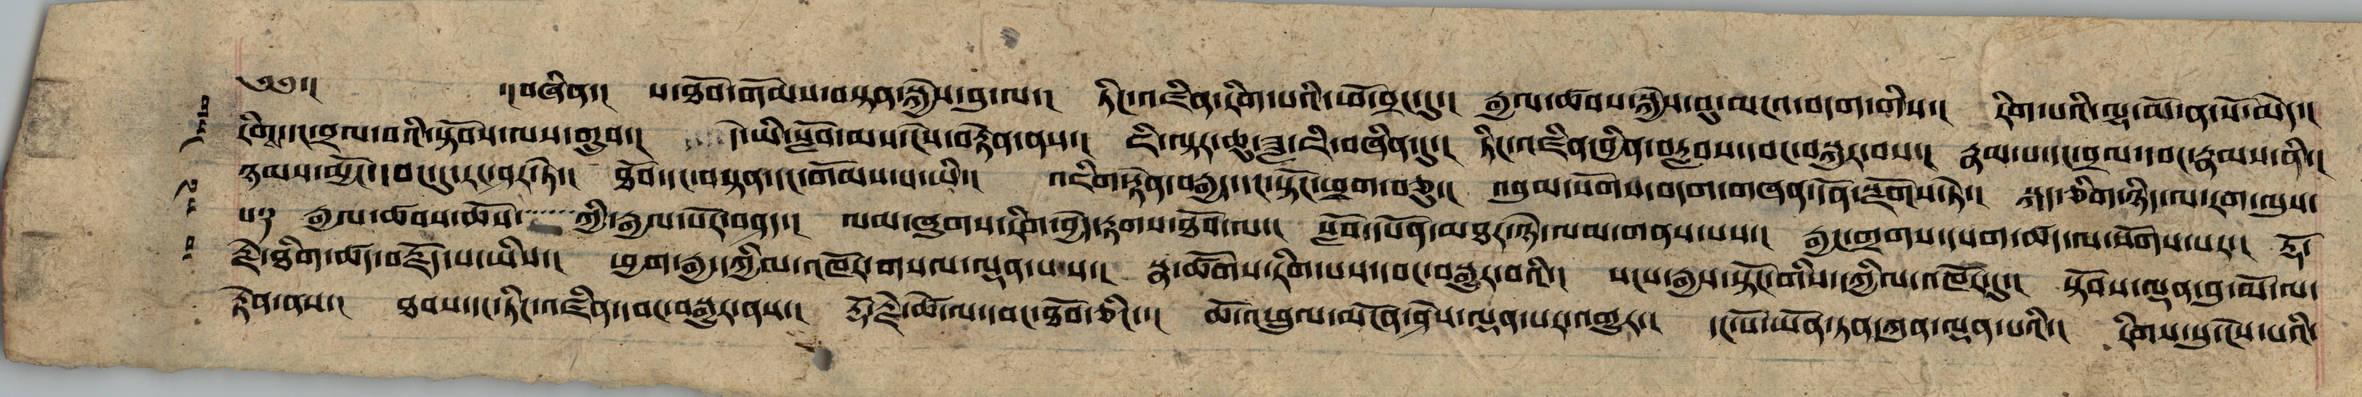༄༅་། ་།བཞིན་། ས་ཐོབ་གོམས་བསྟན་སྐྱེས་བུ་ལ་། ཏིང་འཛིན་རིག་པའི་ཕོ་བྲང་དུ་། རྒྱལ་ཚབས་སྐྱེས་བུ་མངའ་བདག་གིས་། རིག་པའི་ལྷ་མོ་ན་སོ་མེད་།
རིགས་དང་བྲལ་བའི་སྟོབས་ལས་གྲུབ་། དེ་ཡི་སློབ་མས་ངེས་བརྟེན་ནས་། ཇི་ལྟར་ཆུ་ཟླ་ཇི་བཞིན་དུ་། ཏིང་འཛིན་བྱིན་བརླབས་དབང་བསྐུར་བས་། རྣམ་པ་དང་བྲལ་དབང་རྣམས་ནི་།
ཉམས་མྱོང་དབང་དུ་རང་ཤར་ཏེ་། ཐོབ་དང་བསྟན་དང་གོམས་པ་ཡི་། འཇིག་རྟེན་བརྒྱད་དང་སྟོང་ཕྲག་བཅུ་། འབུམ་སོགས་བདག་གཞན་དོན་སྫོགས་ཏེ་། སྐད་ཅིག་ཉིད་ལ་རག་ལུས་
པ༑ རྒྱལ་ཚབས་ཆོས་་་་་་ཀྱི་རྒྱལ་པོར་བཤད་། ལམ་ཞུགས་རིག་བྱེད་རྟགས་ཐོབ་ལ་། སློབ་དཔོན་མཐར་ཉེ་ལམ་གནས་པས་། རྒྱང་གྲགས་དཔག་ཚད་ལ་སོགས་པར་། རྡོ་
རྗེ་ཐིག་ཚད་བརྗོད་པ་ཡིས་། ཕྱག་རྒྱ་དཀྱིལ་འཁོར་གསལ་ལྡན་པས་། སྣ་ཚོགས་རིག་པས་དབང་བསྒྱུར་བའི་། སངས་རྒྱས་སྟོང་གིས་དཀྱིལ་འཁོར་དུ་། སྟོབས་ལྡན་བུ་མོ་ལ་
རྟེན་ནས་། ཐབས་དང་ཏིང་འཛིན་དབང་བསྒྱུར་ནས་། རྡོ་རྗེ་ཚེ་ལ་དབང་ཐོབ་ཅིང་་། ཆོ་འཕྲུལ་མངོན་ཤེས་ལྡན་པར་འགྱུར་། དང་པོ་ཡོན་ཏན་ཀུན་ལྡན་པའི་། རིགས་སུ་ངེས་པའི་